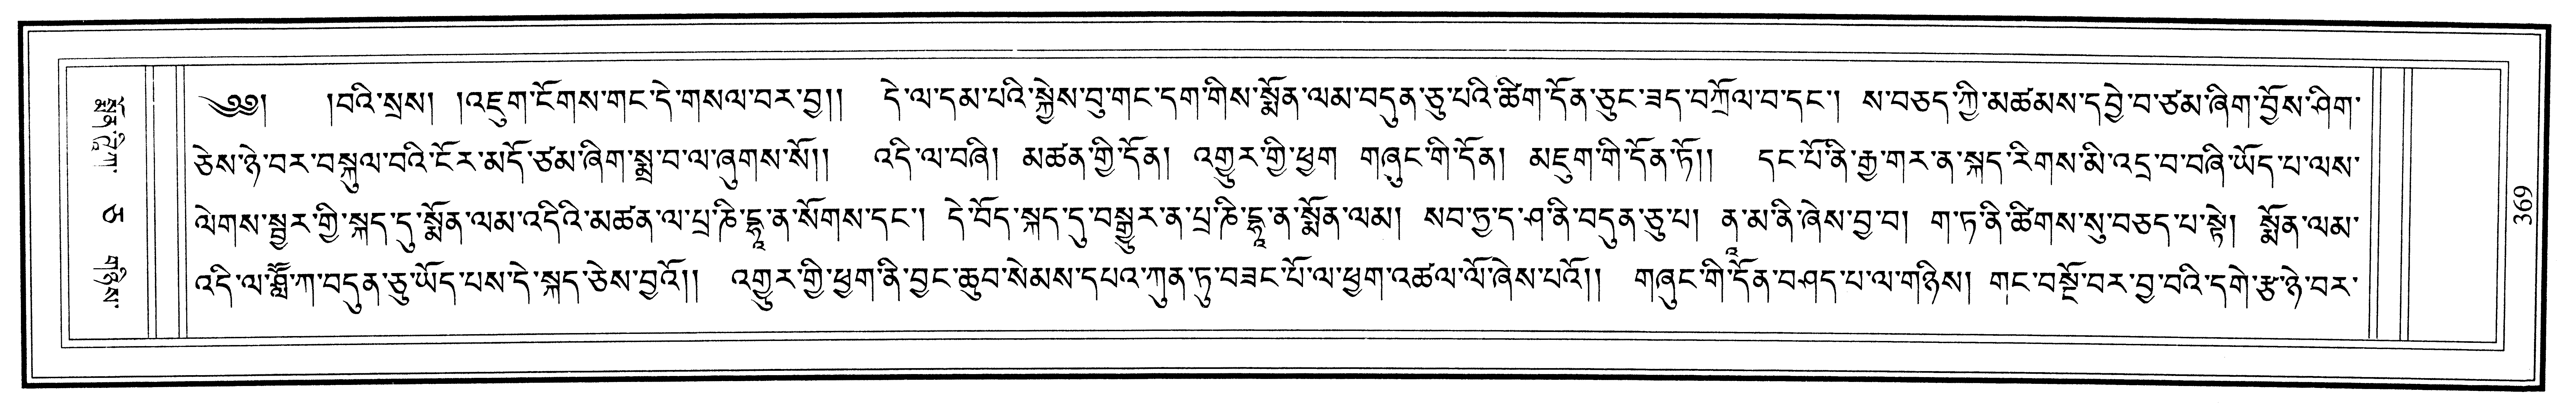༄༅། །བའི་སྲས། །འཇུག་ངོགས་གང་དེ་གསལ་བར་བྱ།། དེ་ལ་དམ་པའི་སྐྱེས་བུ་གང་དག་གིས་སྨོན་ལམ་བདུན་ཅུ་པའི་ཚིག་དོན་ཅུང་ཟད་བཀྲོལ་བ་དང་། ས་བཅད་ཀྱི་མཚམས་དབྱེ་བ་ཙམ་ཞིག་བྱོས་ཤིག་
ཅེས་ཉེ་བར་བསྐུལ་བའི་ངོར་མདོ་ཙམ་ཞིག་སྨྲ་བ་ལ་ཞུགས་སོ།། འདི་ལ་བཞི། མཚན་གྱི་དོན། འགྱུར་གྱི་ཕྱག །གཞུང་གི་དོན། མཇུག་གི་དོན་ཏོ།། དང་པོ་ནི་རྒྱ་གར་ན་སྐད་རིགས་མི་འདྲ་བ་བཞི་ཡོད་པ་ལས་
ལེགས་སྦྱར་གྱི་སྐད་དུ་སྨོན་ལམ་འདིའི་མཚན་ལ་པྲ་ཎི་དྷཱ་ན་སོགས་དང་། དེ་བོད་སྐད་དུ་བསྒྱུར་ན་པྲ་ཎི་དྷཱ་ན་སྨོན་ལམ། སབ་ཏྱ་ད་ཤ་ནི་བདུན་ཅུ་པ། ནཱ་མ་ནི་ཞེས་བྱ་བ། ག་ཏ་ནི་ཚིགས་སུ་བཅད་པ་སྟེ། སྨོན་ལམ་
འདི་ལ་ཤླཽ་ཀ་བདུན་ཅུ་ཡོད་པས་དེ་སྐད་ཅེས་བྱའོ།། འགྱུར་གྱི་ཕྱག་ནི་བྱང་ཆུབ་སེམས་དཔའ་ཀུན་ཏུ་བཟང་པོ་ལ་ཕྱག་འཚལ་ལོ་ཞེས་པའོ།། གཞུང་གི་དོན་བཤད་པ་ལ་གཉིས། གང་བསྔོ་བར་བྱ་བའི་དགེ་རྩ་ཉེ་བར་